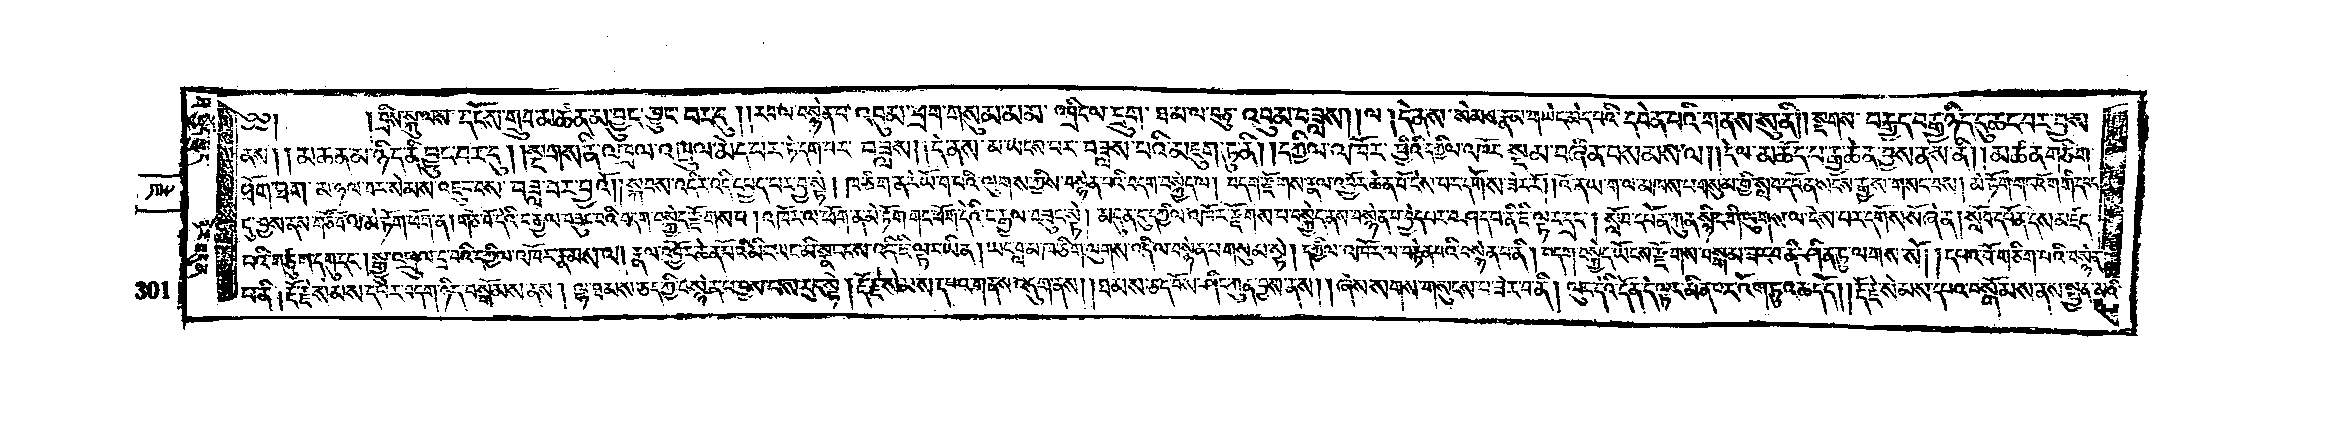༄༅། ། བྲིས་སྐུ་ལས་དངོས་གྲུབ་མཚན་མ་བྱུང་བྱུང་བར་དུ། ། རབ་ལ་བསྙེན་པ་འབུམ་ཕྲག་གསུམ་མམ་འབྲིང་ལ་དྲུག་ཐ་མ་ལ་བཅུ་འབུམ་བཟླས། ། ལ་།དེ་ནས་སེམས་རྣམ་གཡེང་མེད་པའི་དབེན་པའི་གནས་སུ་ནི། ། སྔགས་བརྒྱད་བརྒྱ་ཉིད་དུ་ཚང་བར་བྱས་
ནས། །མཚན་མ་ཉིད་ནི་བྱུང་བར་དུ། །སྔགས་ནི་འཁྲུལ་འཁྲུལ་མེད་པར་ཏེ་དག་པར་བཟླས། །དེ་ནས་མ་ཡེངས་པར་བཟླས་པའི་མཇུག་ཏུ་ནི། །དཀྱིལ་འཁོར་ཕྱིའི་དཀྱིལ་འཁོར་སྔ་མ་བཞིན་བསམས་ལ། ། དེ་ལ་མཆོད་པ་རྒྱ་ཆེན་བྱས་ནས་ནི། །མཚན་གཅིག་
ཐོག་ཐག་མ་ཉལ་བར་སེམས་འཛུབ་?་བས་བཟླ་བར་བྱའོ། །སྐབས་འདིར་འདི་དཔྱད་པར་བྱ་སྟེ། ཁ་ཅིག་ན་རེ་ཡོ་ག་བའི་ལུགས་ཀྱིས་བསྙེན་པའི་བདག་བསྐྱེད་ལ། བདག་རྫོགས་རྣལ་འབྱོར་ཆེན་པོ་ངེས་པར་དགོས་ཟེར་རོ། །འོ་ན་ཡོ་ག་ལ་མཁས་པ་གསུམ་གྱི་སློབ་དཔོན་སངས་རྒྱས་གསང་བས། མེ་ཏོག་གང་ཕོག་གི་དབང་
དུ་བྱས་ནས་གཙོ་བོའི་མེ་ཏོག་ཕོག་ན། གཙོ་བོ་དེའི་ང་རྒྱལ་བཟུང་བའི་བདག་བསྐྱེད་རྫོགས་པ། འཁོར་ལོ་ཕོག་ན་མེ་ཏོག་གང་ཕོག་དེའི་ང་རྒྱལ་བཟུང་སྟེ། མདུན་དུ་དཀྱིལ་འཁོར་རྫོགས་པ་བསྐྱེད་ནས་བསྙེན་པ་བྱེད་པར་བཤད་པ་ནི་ཇི་ལྟར་དྲང་། སློབ་དཔོན་ཀུན་སྙིང་གི་ལུགས་ལ་ངེས་པར་དགོས་སོ་ཞེ་ན། སློབ་དཔོན་དེས་མཛད་
པའི་གཙུག་དགུ་དང་། སྒྱུ་འཕྲུལ་དྲ་བའི་དཀྱིལ་འཁོར་རྣམས་ལ། རྣལ་འབྱོར་ཆེན་པོའི་མིང་ཡང་མི་སྣང་བས་འདི་ཇི་ལྟར་ཡིན། ཡང་བླ་མ་ཁ་ཅིག་ལུགས་འདི་ལ་བསྙེན་པ་གསུམ་སྟེ། དཀྱིལ་འཁོར་ལ་བརྟེན་པའི་བསྙེན་པ་ནི། བདག་བསྐྱེད་ཡོངས་རྫོགས་བསྒོམ་ཟེར་བ་ནི་ཤིན་ཏུ་ལེགས་སོ། །དཔའ་བོ་གཅིག་པའི་བསྙེན་
པ་ནི། རྡོ་རྗེ་སེམས་དཔར་བདག་ཉིད་བསྒོམས་ནས། ལྷ་ཐམས་ཅད་ཀྱི་བསྙེན་པ་བྱས་པས་རུང་སྟེ། རྡོ་རྗེ་སེམས་དཔའ་གནས་འདུག་ནས། །ཐམས་ཅད་བོས་ཤིང་ཀུན་བྱས་ནས། །ཞེས་སོགས་གསུངས་པ་ཟེར་བ་ནི། ལུང་དེའི་དོན་དེ་ལྟར་མིན་པར་འོག་ཏུ་འཆད་དོ། །རྡོ་རྗེ་སེམས་དཔའ་བསྒོམས་ནས་སྤྱན་མའི་